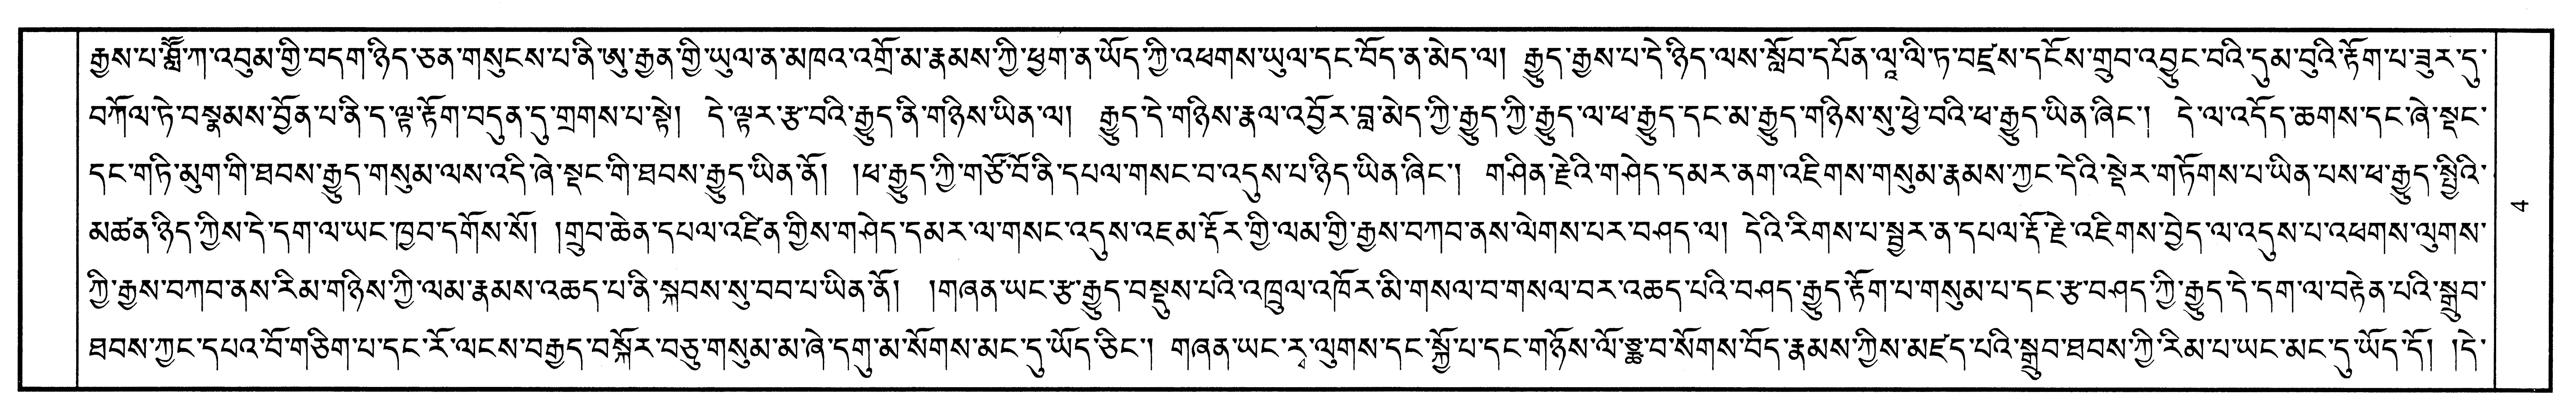རྒྱས་པ་ཤླཽ་ཀ་འབུམ་གྱི་བདག་ཉིད་ཅན་གསུངས་པ་ནི་ཨུ་རྒྱན་གྱི་ཡུལ་ན་མཁའ་འགྲོ་མ་རྣམས་ཀྱི་ཕྱག་ན་ཡོད་ཀྱི་འཕགས་ཡུལ་དང་བོད་ན་མེད་ལ། རྒྱུད་རྒྱས་པ་དེ་ཉིད་ལས་སློབ་དཔོན་ལཱ་ལི་ཏ་བཛྲས་དངོས་གྲུབ་འབྱུང་བའི་དུམ་བུའི་རྟོག་པ་ཟུར་དུ་
བཀོལ་ཏེ་བསྣམས་བྱོན་པ་ནི་ད་ལྟ་རྟོག་བདུན་དུ་གྲགས་པ་སྟེ། དེ་ལྟར་རྩ་བའི་རྒྱུད་ནི་གཉིས་ཡིན་ལ། རྒྱུད་དེ་གཉིས་རྣལ་འབྱོར་བླ་མེད་ཀྱི་རྒྱུད་ཀྱི་རྒྱུད་ལ་ཕ་རྒྱུད་དང་མ་རྒྱུད་གཉིས་སུ་ཕྱེ་བའི་ཕ་རྒྱུད་ཡིན་ཞིང་། དེ་ལ་འདོད་ཆགས་དང་ཞེ་སྡང་
དང་གཏི་མུག་གི་ཐབས་རྒྱུད་གསུམ་ལས་འདི་ཞེ་སྡང་གི་ཐབས་རྒྱུད་ཡིན་ནོ། །ཕ་རྒྱུད་ཀྱི་གཙོ་བོ་ནི་དཔལ་གསང་བ་འདུས་པ་ཉིད་ཡིན་ཞིང་། གཤིན་རྗེའི་གཤེད་དམར་ནག་འཇིགས་གསུམ་རྣམས་ཀྱང་དེའི་སྡེར་གཏོགས་པ་ཡིན་པས་ཕ་རྒྱུད་སྤྱིའི་
མཚན་ཉིད་ཀྱིས་དེ་དག་ལ་ཡང་ཁྱབ་དགོས་སོ། །གྲུབ་ཆེན་དཔལ་འཛིན་གྱིས་གཤེད་དམར་ལ་གསང་འདུས་འཇམ་རྡོར་གྱི་ལམ་གྱི་རྒྱས་བཀབ་ནས་ལེགས་པར་བཤད་ལ། དེའི་རིགས་པ་སྦྱར་ན་དཔལ་རྡོ་རྗེ་འཇིགས་བྱེད་ལ་འདུས་པ་འཕགས་ལུགས་
ཀྱི་རྒྱས་བཀབ་ནས་རིམ་གཉིས་ཀྱི་ལམ་རྣམས་འཆད་པ་ནི་སྐབས་སུ་བབ་པ་ཡིན་ནོ། །གཞན་ཡང་རྩ་རྒྱུད་བསྡུས་པའི་འཁྲུལ་འཁོར་མི་གསལ་བ་གསལ་བར་འཆད་པའི་བཤད་རྒྱུད་རྟོག་པ་གསུམ་པ་དང་རྩ་བཤད་ཀྱི་རྒྱུད་དེ་དག་ལ་བརྟེན་པའི་སྒྲུབ་
ཐབས་ཀྱང་དཔའ་བོ་གཅིག་པ་དང་རོ་ལངས་བརྒྱད་བསྐོར་བཅུ་གསུམ་མ་ཞེ་དགུ་མ་སོགས་མང་དུ་ཡོད་ཅིང་། གཞན་ཡང་རྭ་ལུགས་དང་སྐྱོ་པ་དང་གཉོས་ལོ་ཙྪ་བ་སོགས་བོད་རྣམས་ཀྱིས་མཛད་པའི་སྒྲུབ་ཐབས་ཀྱི་རིམ་པ་ཡང་མང་དུ་ཡོད་དོ། །དེ་